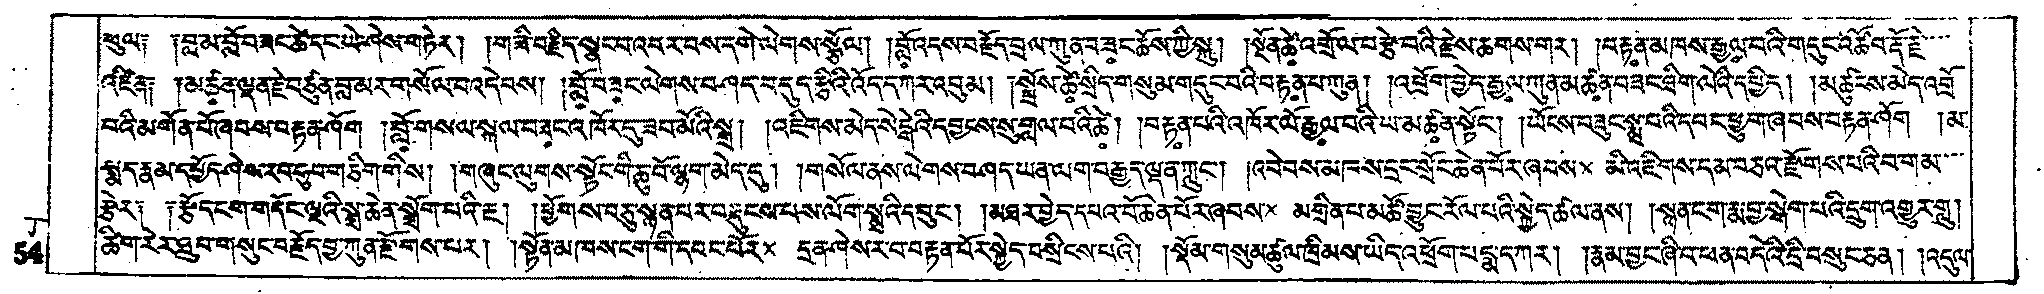ཕུལ༑ ༑བླ་མ་བློ་བཟང་ཚེ་དང་ཡེ་ཤེས་གཏེར། །གཟི་བརྗིད་སྣང་བ་འབར་བས་དགེ་ལེགས་སྩོལ། །བློ྾་འདས་བརྗོད་བྲལ་ཀུན་བཟང྾་ཆོས་ཀྱི་སྐུ། །སྔོན་ཚེ྾་འགྲོ་ལ་བརྩེ་བའི་རྗེས་ཆགས་གར། །བརྟན྾་མཁས་རྒྱལ྾་བའི་གདུང་འཚོབ་རྡོ་རྗེ་་་
འཛིན༑ ༑མཚན྾་ལྡན་རྗེ་བཙུན་བླ་མར་གསོལ་བ་འདེབས། །བློ྾་བཟང྾་ལེགས་བཤད་བདུད་རྩིའི་འོད་དཀར་འབུམ། །སྤྲོས་ཚེ྾་སྲིད་གསུམ་གདུང་བའི་བརྟན྾་པ་ཀུན། །འཕྲོག་བྱེད་རྒྱལ྾་ཀུན་མཚན྾་བཟང་ཐིག་ལེའི་དཔྱིད། །མཚུངས་མེད་འགྲོ་
བའི་མགོན་པོ་ཞབས་བརྟན་ཤོག །བློ྾་གསལ་སྐལ་བཟང྾་འཁོར་དུ་ཟབ་མོའི་སྒྲ། །འཇིག་མེད་སེངྒེའི་དབྱངས་སུ་གླལ་བའི་ཚེ྾། །བརྟན྾་པའི་འཁོར་ལོ་རྒྱལ྾་བའི་ཡ་མཚན྾་སྟོང་། །ཡོངས་བཟུང་སྨྲ་བའི་དབང་ཕྱུག་ཞབས་བརྟན་ཤོག །མ་
སྨད་རྣམ་དཔྱོད་ཤེས་རབ་ཧུབ་གཅིག་གིས། །གཞུང་ལུགས་སྟོང་གི་ཆུ་བོ་ལྷག་མེད་དུ། །གསོལ་ནས་ལེགས་བཤད་ཡན་ལག་བརྒྱད་ལྡན་ཀླུང་། །འབེབས་མཁས་དྲང་སྲོང་ཆེན་པོར་ཞབས་྾་མི་འཇིགས་དམ་བཅའ་རྫོགས་པའི་བ་གམ་་་
རྩེར༑ ༑རྩོད་ངག་གདོང་ལྔའི་སྒྲ་ཆེན་སྒྲོག་པའི་རྔ། །ཕྱོགས་བཅུ་སྙན་པར་བརྡུངས་པས་ལོག་སྨྲའི་དབུང་། །མཐར་བྱེད་དཔའ་བོ་ཆེན་པོར་ཞབས་྾་མགྲིན་པ་མཚོ་བྱུང་རོལ་པའི་སྐྱེད་ཚལ་ནས། །སྙན་ངག་རྨ་བྱ་སྒེག་པའི་དྲུག་འགྱུར་གླུ།
ཚིག་རེར་ཐུབ་གསུང་བརྗོད་བྱ་ཀུན་རྫོགས་པར། །སྟོན་མཁས་ངག་གི་དབང་པོར་྾་དྲན་ཤེས་རབ་བརྟན་པོར་སྐྱེད་བསྲིངས་པའི། །སྡོམ་གསུམ་ཚུལ་ཁྲིམས་ཡིད་འཕྲོག་པདམ་དཀར། །རྣམ་བྱང་ཞི་བ་ཕན་བདེའི་དྲི་བསུང་ཅན། །འདུལ་